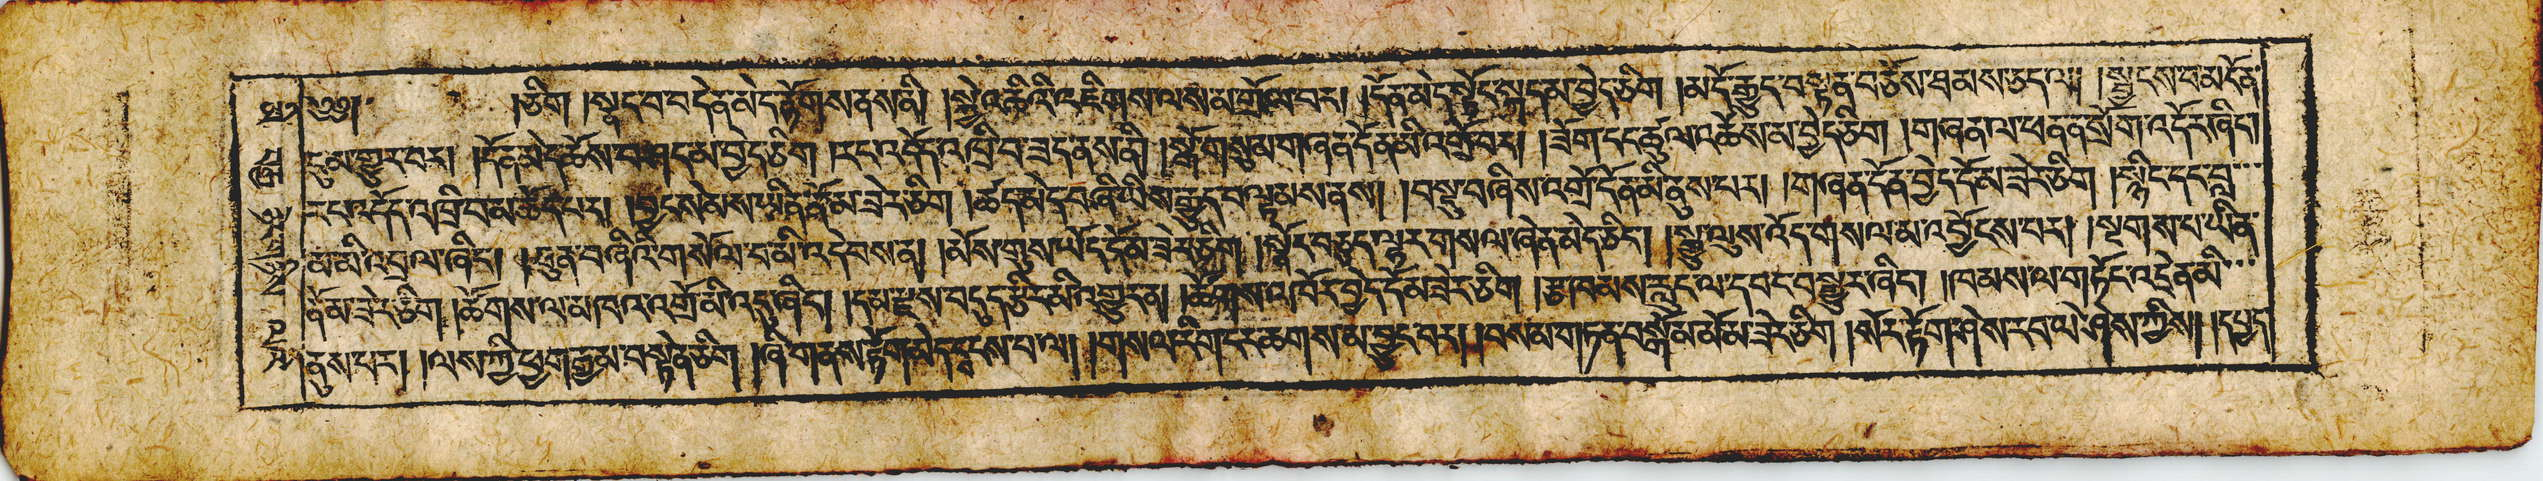ཅིག །སྣང་བ་བདེན་མེད་རྟོགས་ནས་ནི། །སྐྱེ་འཆིའི་འཇིགས་ལས་མ་གྲོལ་བར། །དོན་མེད་སྟོང་སྐད་མ་བྱེད་ཅིག །མདོ་རྒྱུད་བསྟན་བཅོས་ཐམས་ཅད་ལ། །སྦྱངས་པ་མངོན་
དུ་མ་གྱུར་བར། །དོན་མེད་ཆོས་བཤད་མ་བྱེད་ཅིག རང་འདོད་འཁྲི་བ་ཟད་ནས་ནི། །སྡེ་གསུམ་གཞན་དོན་མི་འགྲོ་བར། །ཟོག་དང་ཚུལ་འཆོས་མ་བྱེད་ཅིག །གཞན་ལ་ཕན་ན་སྲོག་འདོར་ཞིང། །
རང་འདོད་འཁྲི་བ་མ་ཆོད་པར། །བྱང་སེམས་ཡིན་ནོ་མ་ཟེར་ཅིག །ཚད་མེད་བཞི་ཡིས་རྒྱུད་བལྟམས་ནས། །བསྡུ་བཞིས་འགྲོ་དོན་མི་ནུས་པར། །གཞན་དོན་བྱེད་དོ་མ་ཟེར་ཅིག །སྙིང་དང་བླ་་
མ་མི་འབྲལ་ཞིང་། །ཐུན་བཞིའི་གསོལ་བ་མི་འདེབས་ན། །མོས་གུས་ཡོད་དོ་མ་ཟེར་ཅིག །སྣོད་བཅུད་ལྷར་གསལ་ཞེན་མེད་ཅིང་། །སྒྱུ་ལུས་འོད་གསལ་མ་འབྱོངས་པར། །སྔགས་པ་ཡིན་
ནོ་མ་ཟེར་ཅིག །ཚོགས་ལ་མཁའ་འགྲོ་མི་འདུ་ཞིང་། །དམ་རྫས་བདུད་རྩིར་མ་འགྱུར་ན། །ཚོགས་འཁོར་བྱེད་དོ་མ་ཟེར་ཅིག །རྩ་ཁམས་རླུང་ལ་དབང་བསྒྱུར་ཞིང་། །ཁམས་ལ་གཏོང་འདྲེན་མི་
ནུས་པར། །ལས་ཀྱི་ཕྱག་རྒྱ་མ་བསྟེན་ཅིག །ཞི་གནས་རྟོག་མེད་དྲངས་པ་ལ། །གསལ་རིག་ངར་ཆགས་མ་བྱུང་བར། །བསམ་གཏན་བསྒོམ་མོ་མ་ཟེར་ཅིག །སོར་རྟོག་ཤེས་རབ་ཡེ་ཤེས་ཀྱིས། །དཔྱད་